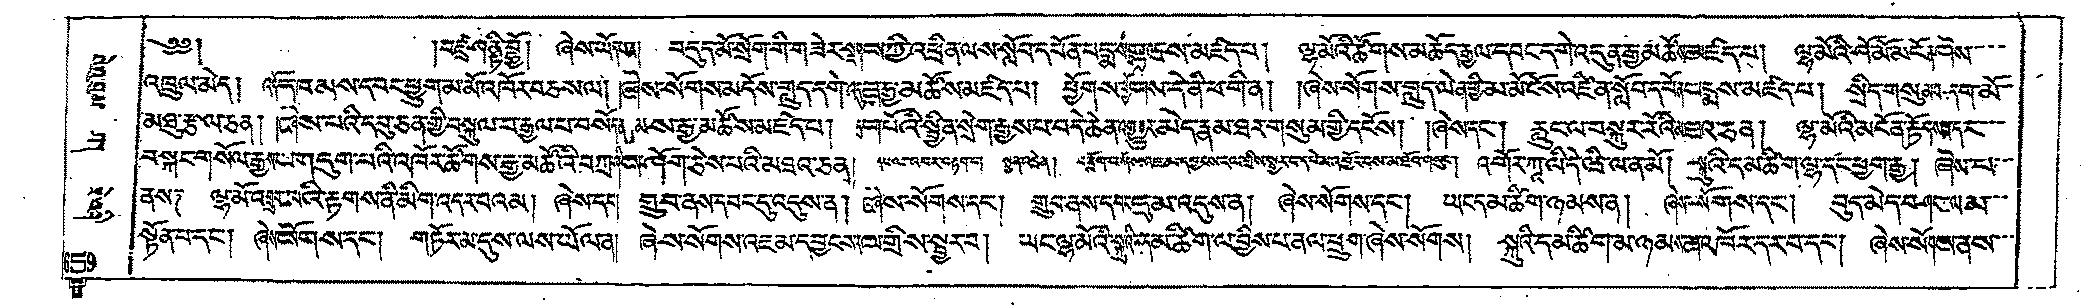༄༅། །བཛྲ་ཤནྟི་བྷྱོ། ཞེས་ཡོད་པ། བདུད་མོ་སྲོག་གི་གཟེར་སྔགས་ཀྱི་འཕྲིན་ལས་སློབ་དཔོན་པདམ་སཾ་བྷ་ཝས་མཛད་པ། ལྷ་མོའི་ཚོགས་མཆོད་རྒྱལ་དབང་དགེ་འདུན་རྒྱ་མཚོས་མཛད་པ། ལྷ་མོའི་ཤོ་མོ་མངོན་ཤེས་
འཁྲུལ་མེད། འདོད་ཁམས་དབང་ཕྱུག་མ་མོ་འཁོར་བཅས་ལ། །ཞེས་སོགས་མདོས་གླུད་དགེ་འདུན་རྒྱ་མཚོས་མཛད་པ། ཕྱོགས་ཕྱོགས་དེ་ནི་ཕ་གི་ན། །ཞེས་སོགས་གླུད་ལེན་གྱི་མ་མོ་ངོས་འཛིན་སློབ་དཔོན་པདམས་མཛད་པ། སྲིད་གསུམ་བདག་མོ་
མཐུ་རྩལ་ཅན། །ཞེས་པའི་དབུ་ཅན་གྱི་བསྐུལ་བ་རྒྱལ་པ་བསོད་ནམས་རྒྱ་མཚོས་མཛད་པ། དྲག་པོའི་སྦྱིན་སྲེག་རྒྱས་པ་བདེ་ཆེན་འགྱུར་མེད་རྣམ་ཐར་གསུམ་གྱི་དངོས། །ཞེས་དང་། རླུང་ལ་བསྐུར་རོའི་མཐའ་ཅན། ལྷ་མོའི་མངོན་རྟོགས་དང་
བསྐང་གསོལ་རྒྱས་པ་གདུག་པའི་འཁོར་ཚོགས་རྒྱ་མཚོའི་བཀྲ་ཤིས་ཤོག་ཅེས་པའི་མཐའ་ཅན། དཔལ་འབར་བརྟག་པ། སྤྱན་འདྲེན། བཟློག་པ་སོགས་འཇམ་དབྱངས་རལ་གྲིས་སྦྱར་བ་དཔེ་མ་འབྱོར་བས་མ་ཐོབ་གསུང་།  འགོར་ཀཱ་ལི་དེ་ཝི་ལ་ན་མོ། སྐུའི་དམ་ཚིག་ལྷ་དང་ཕྱག་རྒྱ། ཞེས་པ་
ནས༑ ལྷ་མོ་འགྲུབ་པའི་རྟགས་ནི་མིག་འདར་བའམ། ཞེས་དང་། གྲུབ་ནས་དབང་དུ་འདུས་ན། ཞེས་སོགས་དང་། གྲུབ་ནས་དབང་དུ་མ་འདུས་ན། ཞེས་སོགས་དང་། ཡང་དམ་ཚིག་ཉམས་ན། ཞེས་སོགས་དང་། བུད་མེད་བཤང་ལམ་
སྟོན་པ་དང་། ཞེས་སོགས་དང་། གཏོར་མ་དུས་ལས་ཡོལ་ན། ཞེས་སོགས་འཇམ་དབྱངས་རལ་གྲིས་སྦྱར་བ། ཡང་ལྷ་མོའི་སྐུའི་དམ་ཚིག་ལ་བྱིས་པ་ནལ་ཕྲུག་ཞེས་སོགས། སྐུའི་དམ་ཚིག་མ་ཉམས་ན་འཁོར་དར་བ་དང་། ཞེས་སོགས་ནས་